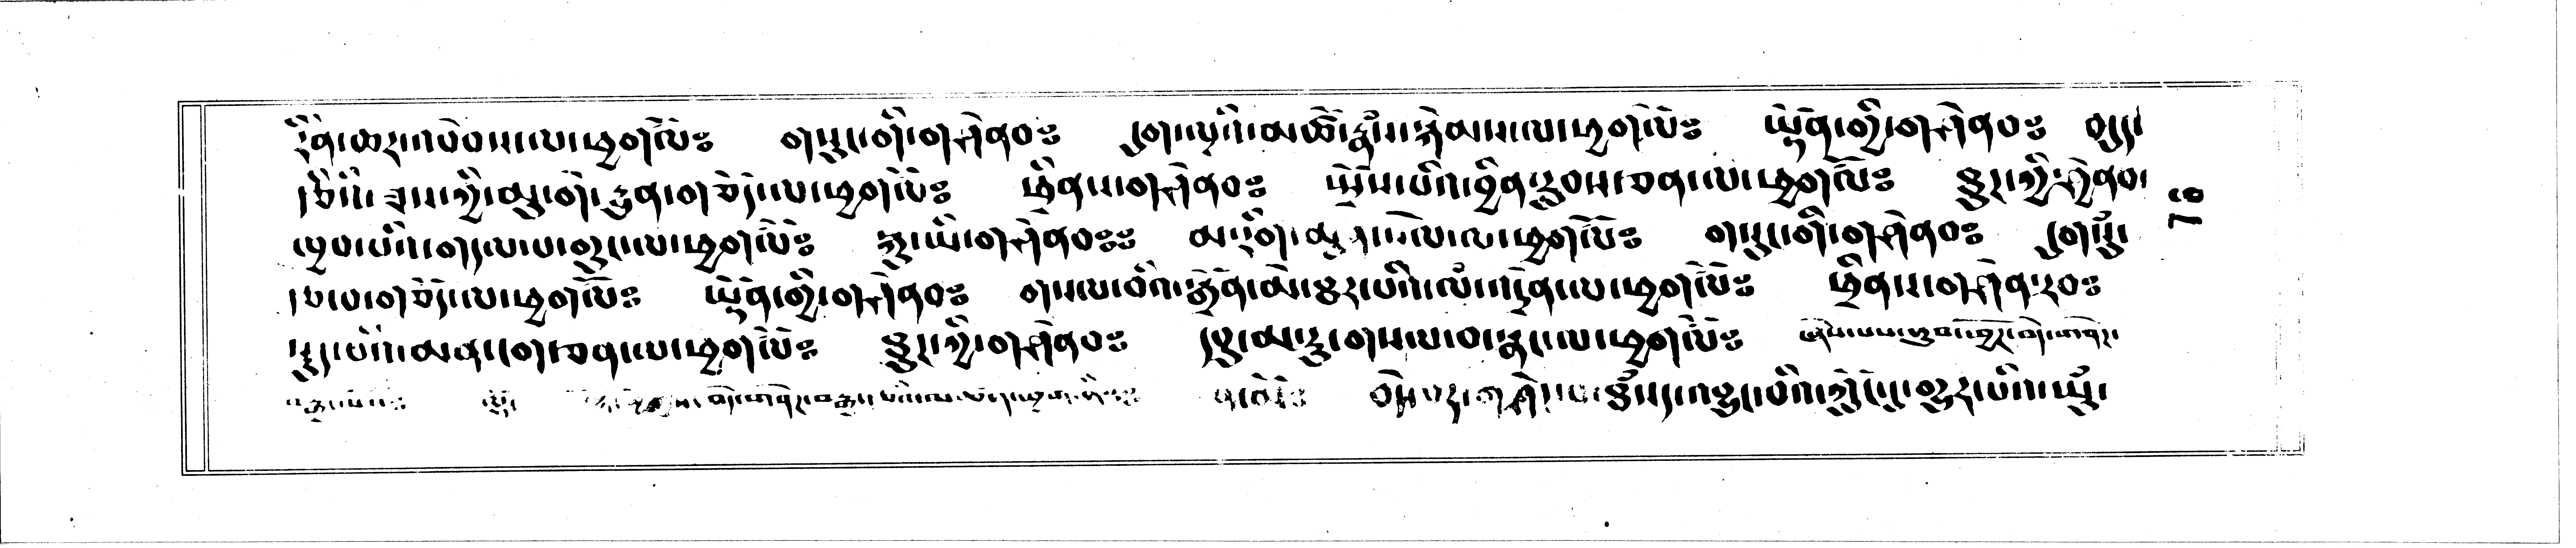རིན་ཆེན་ཆར་འབེབས་ལ་ཕྱག་འཚལ་ལོཿ གསུང་གི་གཤེན་རབ་ལཿ དུག་ལྔའི་མཚོ་རྣམས་སྐེམ་ལ་ཕྱག་འཚལ་ལོཿ ཡོན་ཏན་གྱི་གཤེན་རབཿ བདུད་
རྩིའི་ཟས་ཀྱིས་མུ་གེའི་རྒྱུན་གཅོད་ལ་ཕྱག་འཚལ་ལོཿ ཕྲིན་ལས་ཀྱི་གཤེན་རབཿ སྤྲོས་པའི་བྱིན་རླབས་ཅན་ལ་ཕྱག་འཚལ་ལོཿ ཐུགས་ཀྱི་གཤེན་རབཿ 
ཁྱབ་པའི་བདལ་པ་གུང་ལ་ཕྱག་འཚལ་ལོཿ སྐུ་ཡི་གཤེན་རབཿ མ་རིག་མུན་སེལ་ལ་ཕྱག་འཚལ་ལོཿ གསུང་གི་གཤེན་རབ་ལཿ དུག་གསུམ་
རྩ་བ་གཅོད་ལ་ཕྱག་འཚལ་ལོཿ ཡོན་ཏན་གྱི་གཤེན་རབཿ གསལ་བའི་སྒྲོན་མེས་ཐར་པའི་ལམ་འདྲེན་ལ་ཕྱག་འཚལ་ལོཿ ཕྲིན་ལས་ཀྱི་གཤེན་རབཿ
 སྡུད་པའི་མན་ངག་ཅན་ལ་ཕྱག་འཚལ་ལོཿ ཐུགས་ཀྱི་གཤེན་རབཿ དབུ་མ་རུ་གསལ་བ་སྣང་ལ་ཕྱག་འཚལ་ལོཿ ཞེས་པས་ནུབ་ཕྱོགས་བདེར་གཤེགས་
བརྒྱ་ལའོཿ ༼ལྷོ༽ལྷོ་ཕྱོགས་བདེར་གཤེགས་བརྒྱ་རྩའི་མཚན་ཕྱག་ནིཿ ན་མོ་བདེ་བར་གཤེགས་པ་ཐམས་ཅད་འབྱུང་བའི་ཀློང་དུ་གྱུར་པའི་ཡུམ་